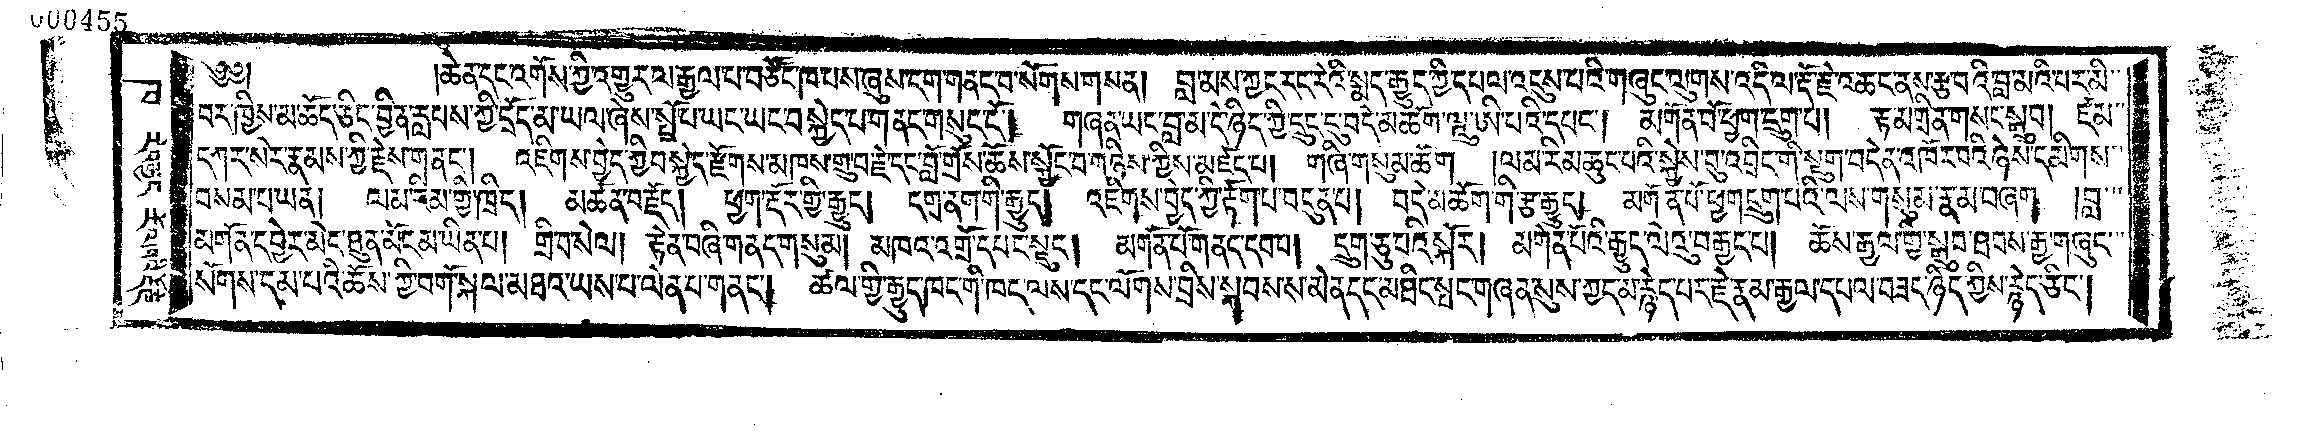༄༅། །ཆེན་དང་འགོས་ཀྱི་འགྱུར་ལ་རྒྱལ་བ་བཙོང་ཁ་པས་ཞུས་དག་གནང་བ་སོགས་གསན། བླ་མས་ཀྱང་རང་རེའི་སྨད་རྒྱུད་ཀྱི་དཔལ་འདུས་པའི་གཞུང་ལུགས་འདི་ལ་རྡོ་རྗེ་འཆང་ནས་རྩ་བའི་བླ་མའི་བར་མི་
བར་ཀྱིས་མ་ཆོད་ཅིང་བྱིན་རླབས་ཀྱི་དྲོད་མ་ཡལ་ཞེས་སྤྲོ་བ་ཡང་ཡང་བསྐྱེད་པ་གནང་གསུང་ངོ། གཞན་ཡང་བླ་མ་དེ་ཉིད་ཀྱི་དྲུང་དུ་བདེ་མཆོག་ལཱུ་ཨི་པའི་དབང་། མགོན་པོ་ཕྱག་དྲུག་པ། རྟ་མགྲིན་གསང་སྒྲུབ། ཛམ་
དཀར་སེར་རྣམས་ཀྱི་རྗེས་གནང་། འཇིགས་བྱེད་ཀྱི་བསྐྱེད་རྫོགས་མཁས་གྲུབ་རྗེ་དང་བློ་གྲོས་ཆོས་སྐྱོང་བ་གཉིས་ཀྱིས་མཛད་པ། གཞི་གསུམ་ཆོ་ག །ལམ་རིམ་ཆུང་བའི་སྐྱེས་བུ་འབྲིང་གི་སྡུག་བདེན་འཁོར་བའི་ཉེས་དམིགས་
བསམ་པ་ཡན། ལམ་རིམ་གྱི་ཁྲིད། མཚན་བརྗོད། ཕྱག་རྡོར་གྱི་རྒྱུད། དགྲ་ནག་གི་རྒྱུད། འཇིགས་བྱེད་ཀྱི་རྟོག་པ་བདུན་པ། བདེ་མཆོག་གི་རྩ་རྒྱུད། མགོན་པོ་ཕྱག་དྲུག་པའི་ལས་གསུམ་རྣམ་བཞག །བླ་
མགོན་དབྱེར་མེད་ཐུན་མོང་མ་ཡིན་པ། གྲིབ་སེལ། རྟེན་བཞི་གནད་གསུམ། མཁའ་འགྲོ་དབང་སྡུད། མགོན་པོ་གནད་དབབ། དྲུག་ཅུ་བའི་སྐོར། མགོན་པོའི་རྒྱུད་ལེའུ་བརྒྱད་པ། ཆོས་རྒྱལ་གྱི་སྒྲུབ་ཐབས་རྒྱ་གཞུང་
སོགས་དམ་པའི་ཆོས་ཀྱི་བགོ་སྐལ་མཐའ་ཡས་པ་ལེན་པ་གནང་། ཚལ་གྱི་རྒྱུད་ཁང་གི་ཁང་ལས་དང་ལོགས་བྲིས་སྐབས་ས་མེན་དང་མཐིང་སྤང་གཞན་སུས་ཀྱང་མ་རྙེད་པར་རྗེ་རྣམ་རྒྱལ་དཔལ་བཟང་ཉིད་ཀྱིས་རྙེད་ཅིང་།